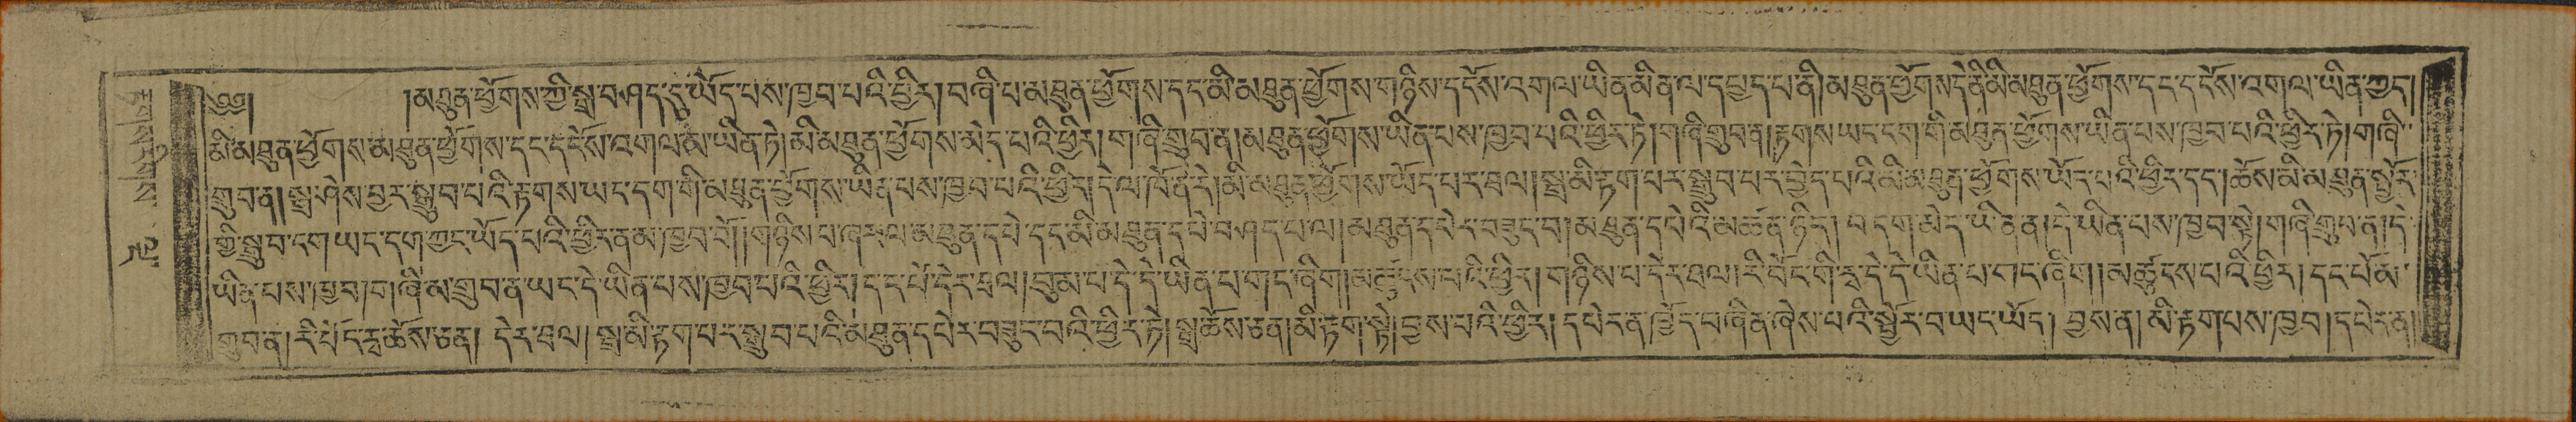༄༅། །མཐུན་ཕྱོགས་ཀྱི་སྒྲ་བཤད་དུ་ཡོད་པས་ཁྱབ་པའི་ཕྱིར། བཞི་པ་མཐུན་ཕྱོགས་དང་མི་མཐུན་ཕྱོགས་གཉིས་དངོས་འགལ་ཡིན་མིན་ལ་དཔྱད་པ་ནི། མཐུན་ཕྱོགས་དེ་ནི་མི་མཐུན་ཕྱོགས་དང་དངོས་འགལ་ཡིན་ཀྱང་།
མི་མཐུན་ཕྱོགས་མཐུན་ཕྱོགས་དང་དངོས་འགལ་མ་ཡིན་ཏེ། མི་མཐུན་ཕྱོགས་མེད་པའི་ཕྱིར། གཞི་གྲུབ་ན། མཐུན་ཕྱོགས་ཡིན་པས་ཁྱབ་པའི་ཕྱིར་ཏེ། གཞི་གྲུབ་ན། རྟགས་ཡང་དག་གི་མཐུན་ཕྱོགས་ཡིན་པས་ཁྱབ་པའི་ཕྱིར་ཏེ། གཞི་
གྲུབ་ན། སྒྲ་ཤེས་བྱར་སྒྲུབ་པའི་རྟགས་ཡང་དག་གི་མཐུན་ཕྱོགས་ཡིན་པས་ཁྱབ་པའི་ཕྱིར། དེ་ལ་ཁོ་ན་རེ། མི་མཐུན་ཕྱོགས་ཡོད་པར་ཐལ། སྒྲ་མི་རྟག་པར་སྒྲུབ་པར་བྱེད་པའི་མི་མཐུན་ཕྱོགས་ཡོད་པའི་ཕྱིར་དང་། ཆོས་མི་མཐུན་སྦྱོར་
གྱི་སྒྲུབ་ངག་ཡང་དག་ཀྱང་ཡོད་པའི་ཕྱིར་ན་མ་ཁྱབ་བོ། །གཉིས་པ་ཞར་ལ་མཐུན་དཔེ་དང་མི་མཐུན་དཔེ་བཤད་པ་ལ། མཐུན་དཔེར་བཟུང་བ། མཐུན་དཔེའི་མཚན་ཉིད། བདག་མེད་ཡིན་ན། དེ་ཡིན་པས་ཁྱབ་སྟེ། གཞི་གྲུབ་ན། དེ་
ཡིན་པས་ཁྱབ། གཞི་མ་གྲུབ་ན་ཡང་དེ་ཡིན་པས་ཁྱབ་པའི་ཕྱིར། དང་པོ་དེར་ཐལ། བུམ་པ་དེ་དེ་ཡིན་པ་གང་ཞིག །མཚུངས་པའི་ཕྱིར། གཉིས་པ་དེར་ཐལ། རི་བོང་གི་རྭ་དེ་དེ་ཡིན་པ་གང་ཞིག །མཚུངས་པའི་ཕྱིར། དང་པོ་མ་
གྲུབ་ན། རི་བོང་རྭ་ཆོས་ཅན། དེར་ཐལ། སྒྲ་མི་རྟག་པར་སྒྲུབ་པའི་མཐུན་དཔེར་བཟུང་བའི་ཕྱིར་ཏེ། སྒྲ་ཆོས་ཅན། མི་རྟག་སྟེ། བྱས་པའི་ཕྱིར། དཔེར་ན་ཁྱོད་བཞིན་ཞེས་པའི་སྦྱོར་བ་ཡང་ཡོད། བྱས་ན། མི་རྟག་པས་ཁྱབ། དཔེར་ན།